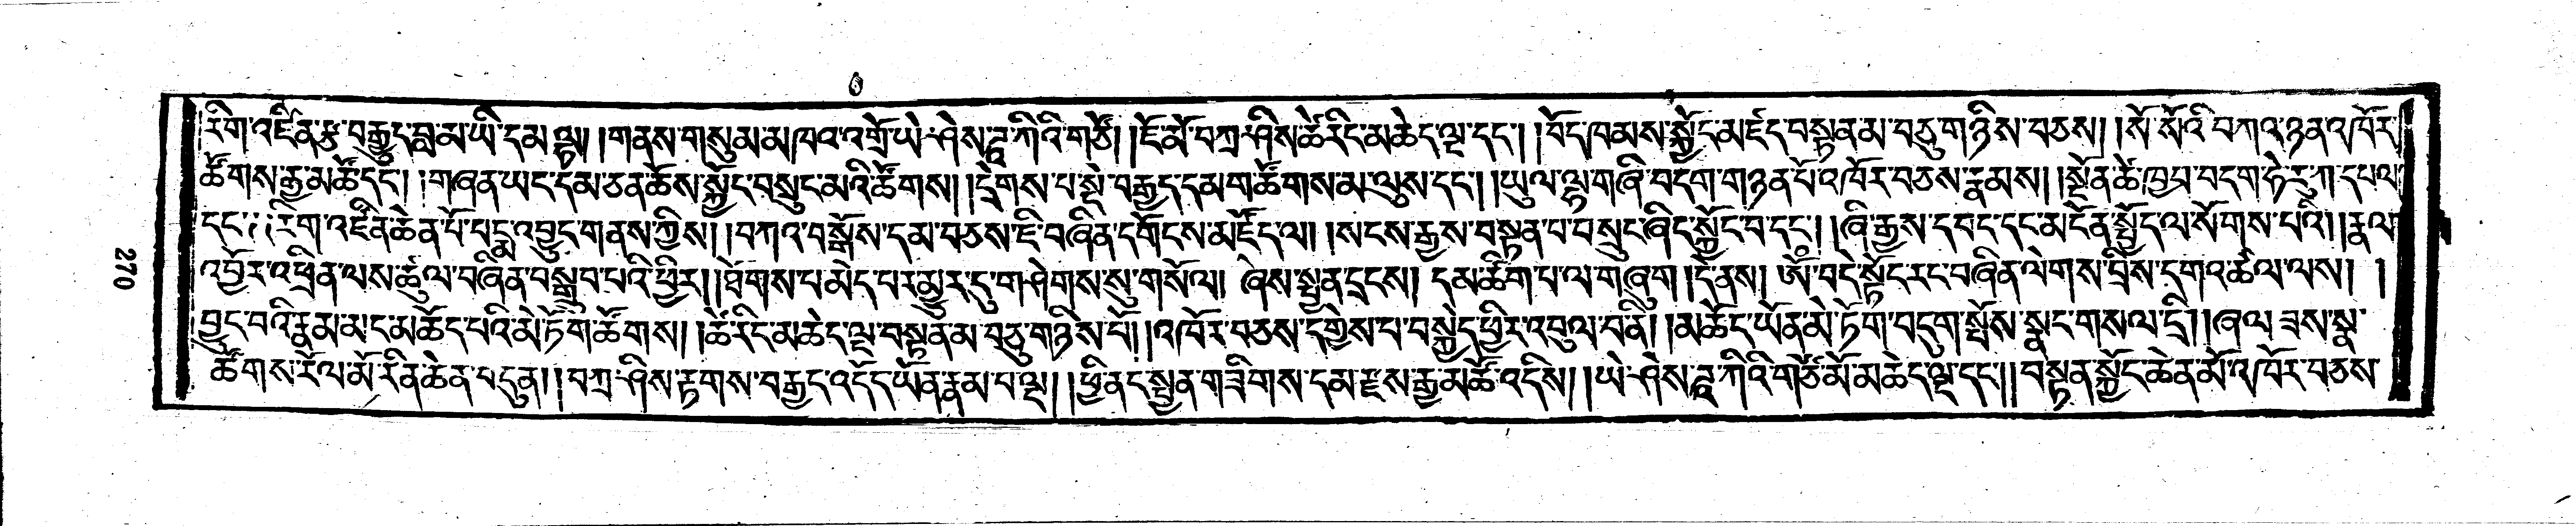རིག་འཛིན་རྩ་བརྒྱུད་བླ་མ་ཡི་དམ་ལྷ། །གནས་གསུམ་མཁའ་འགྲོ་ཡེ་ཤེས་ཌཱ་ཀིའི་གཙོ། །ཇོ་མོ་བཀྲ་ཤིས་ཚེ་རིང་མཆེད་ལྔ་དང་། །བོད་ཁམས་སྐྱོང་མཛད་བསྟན་མ་བཅུ་གཉིས་བཅས། །སོ་སོའི་བཀའ་ཉན་འཁོར་
ཚོགས་རྒྱ་མཚོ་དང་། །གཞན་ཡང་དམ་ཅན་ཆོས་སྐྱོང་བསྲུང་མའི་ཚོགས། །དྲེགས་པ་སྡེ་བརྒྱད་དམག་ཚོགས་མ་ལུས་དང་། །ཡུལ་ལྷ་གཞི་བདག་གཉན་པོ་འཁོར་བཅས་རྣམས། །སྔོན་ཚེ་ཁྱབ་བདག་ཧེ་རུ་ཀ་དཔལ་
དང༑ ༑རིག་འཛིན་ཆེན་པོ་པདམ་འབྱུང་གནས་ཀྱིས། །བཀའ་བསྒོས་དམ་བཅས་ཇི་བཞིན་དགོངས་མཛོད་ལ། །སངས་རྒྱས་བསྟན་པ་བསྲུང་ཞིང་སྐྱོང་བ་དང་། །ཞི་རྒྱས་དབང་དང་མངོན་སྤྱོད་ལ་སོགས་པའི། །རྣལ་
འབྱོར་འཕྲིན་ལས་ཚུལ་བཞིན་བསྒྲུབ་པའི་ཕྱིར། །ཐོགས་པ་མེད་པར་མྱུར་དུ་གཤེགས་སུ་གསོལ། ཞེས་སྤྱན་དྲངས། དམ་ཚིག་པ་ལ་གཞུག །དེ་ནས། ཨོཾ་བདེ་སྟོང་རང་བཞིན་ལེགས་བྲིས་དགའ་ཚལ་ལས། །
བྱུང་བའི་རྣམ་མང་མཆོད་པའི་མེ་ཏོག་ཚོགས། །ཚེ་རིང་མཆེད་ལྔ་བསྟན་མ་བཅུ་གཉིས་པོ། །འཁོར་བཅས་དགྱེས་པ་བསྐྱེད་ཕྱིར་འབུལ་བ་ནི། །མཆོད་ཡོན་མེ་ཏོག་བདུག་སྤོས་སྣང་གསལ་དྲི། །ཞལ་ཟས་སྣ་
ཚོགས་རོལ་མོ་རིན་ཆེན་བདུན། །བཀྲ་ཤིས་རྟགས་བརྒྱད་འདོད་ཡོན་རྣམ་པ་ལྔ། །ཕྱི་ནང་སྤྱན་གཟིགས་དམ་རྫས་རྒྱ་མཚོ་འདིས། །ཡེ་ཤེས་ཌཱ་ཀིའི་གཙོ་མོ་མཆེད་ལྔ་དང་། །བསྟན་སྐྱོང་ཆེན་མོ་འཁོར་བཅས་